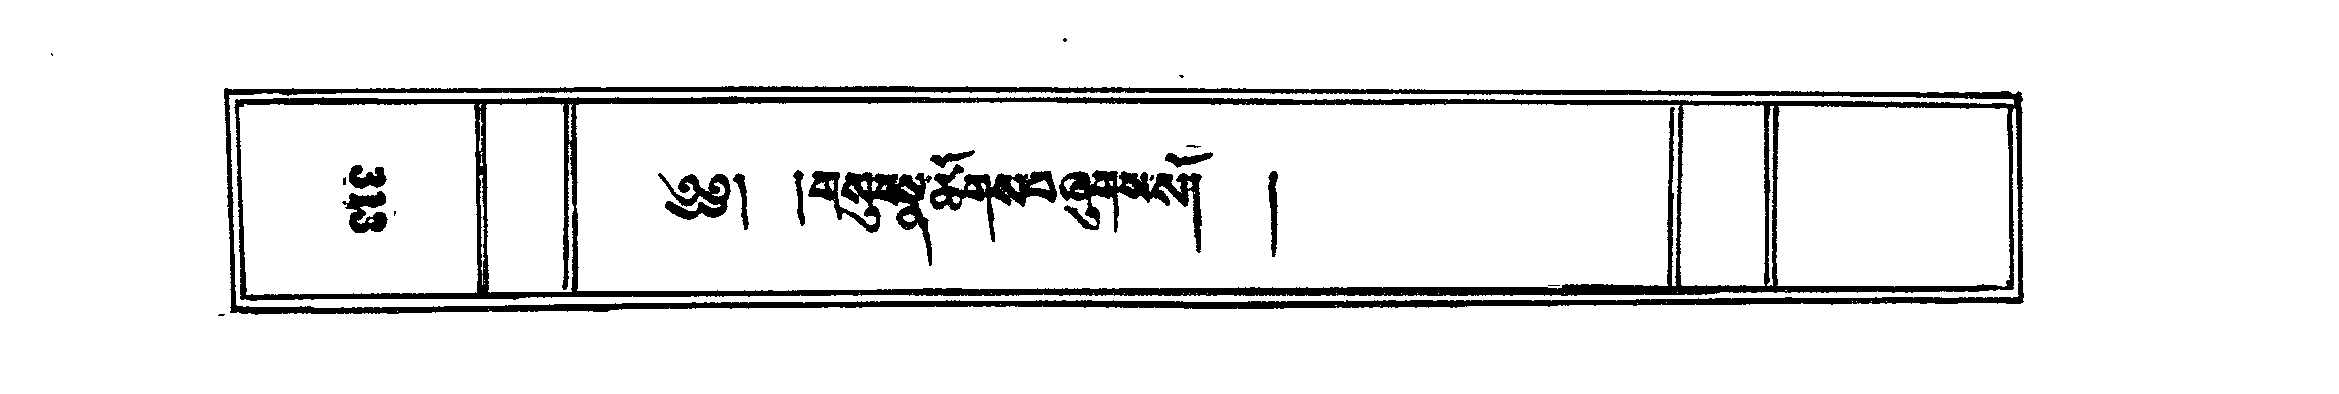༄༅། །གསུང་སྣ་ཚོགས་བཞུགས་སོ། །